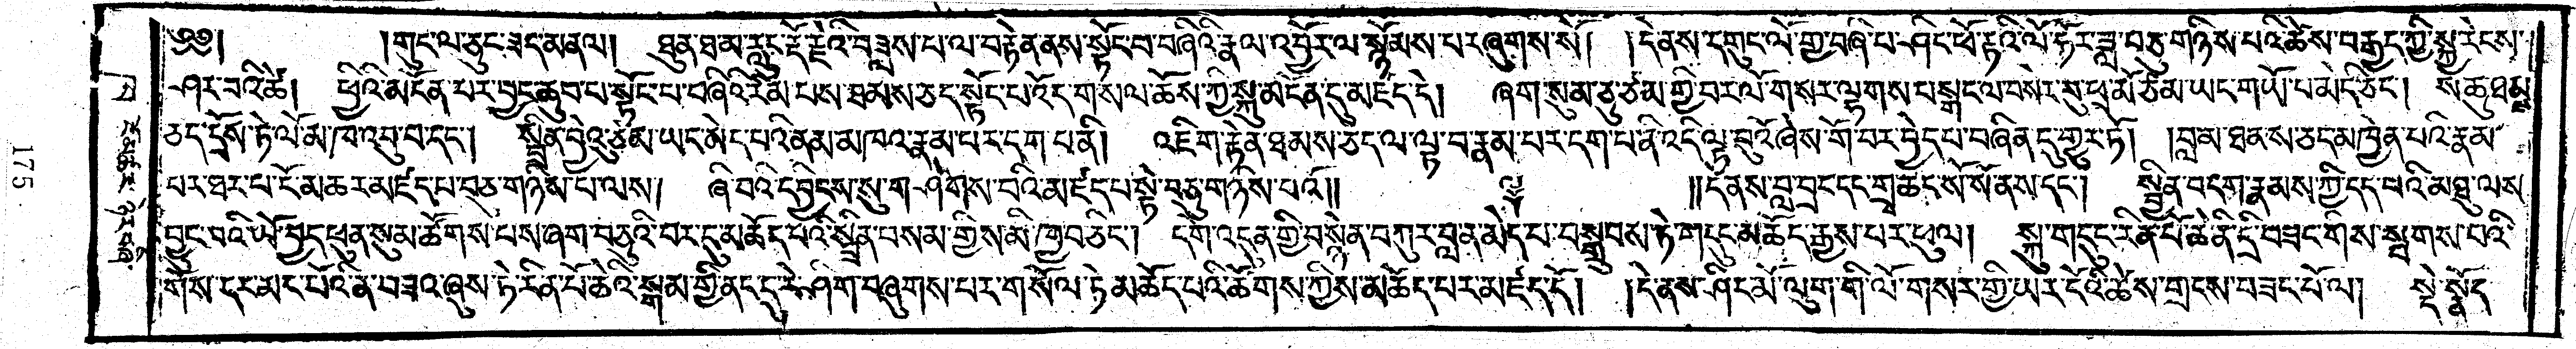༄༅། །གུང་ལ་ཅུང་ཟད་མནལ། ཐུན་ཐ་མ་རླུང་རྡོ་རྗེའི་བཟླས་པ་ལ་བརྟེན་ནས་སྟོང་བ་བཞིའི་རྣལ་འབྱོར་ལ་སྙོམས་པར་ཞུགས་སོ། །དེ་ནས་དགུང་ལོ་གྱ་བཞི་པ་ཤིང་ཕོ་རྟའི་ལོ་ཧོར་ཟླ་བཅུ་གཉིས་པའི་ཚེས་བརྒྱད་ཀྱི་སྐྱ་རེངས།
ཤར་བའི་ཚེ། ཕྱིའི་མངོན་པར་བྱང་ཆུབ་པ་སྟོང་པ་བཞིའི་རིམ་པས་ཐམས་ཅད་སྟོང་པ་འོད་གསལ་ཆོས་ཀྱི་སྐུ་མངོན་དུ་མཛད་དེ། ཞག་སུམ་ཅུ་ཙམ་གྱི་བར་ལོ་གསར་ལྷགས་བསྒང་ལ་བསེར་བུ་ཕྲ་མོ་ཙམ་ཡང་གཡོ་པ་མེད་ཅིང་། ས་ཆུ་ཐམས་
ཅད་དྲོས་ཏེ་ལོ་མ་ཁ་འབུ་བ་དང་། སྦྲིན་བྱེའུ་ཙམ་ཡང་མེད་པའི་ནམ་མཁའ་རྣམ་པར་དག་པ་ནི། འཇིག་རྟེན་ཐམས་ཅད་ལ་ལྟ་བ་རྣམ་པར་དག་པ་ནི་འདི་ལྟ་བུའོ་ཞེས་གོ་བར་བྱེད་པ་བཞིན་དུ་གྱུར་ཏོ། །བླ་མ་ཐམས་ཅད་མཁྱེན་པའི་རྣམ་
པར་ཐར་པ་ངོ་མཆར་མཛད་པ་བཅུ་གཉིས་པ་ལས། ཞི་བའི་དབྱིངས་སུ་གཤེགས་པའི་མཛད་པ་སྟེ་བཅུ་གཉིས་པའོ།། ༈ །།དེ་ནས་བླ་བྲང་དང་གྲྭ་ཆང་སོ་སོ་ནས་དང་། སྦྱིན་བདག་རྣམས་ཀྱི་དད་པའི་མཐུ་ལས་
བྱུང་བའི་ཡོ་བྱད་ཕུན་སུམ་ཚོགས་པས་ཞག་བཅུའི་བར་དུ་མཆོད་པའི་སྦྲིན་བསམ་གྱིས་མི་ཁྱབ་ཅིང་། དགེ་འདུན་གྱི་བསྙེན་བཀུར་བླ་ན་མེད་པ་བསྒྲུབས་ཏེ་གདུང་མཆོད་རྒྱས་པར་ཕུལ། སྐུ་གདུང་རིན་པོ་ཆེ་ནི་དྲི་བཟང་གིས་སྦགས་པའི་
གོས་དར་མང་པོའི་ན་བཟའ་ཞུས་ཏེ་རིན་པོ་ཆེའི་སྒམ་གྱི་ནང་དུ་རེ་ཤིག་བཞུགས་པར་གསོལ་ཏེ་མཆོད་པའི་ཚོགས་ཀྱིས་མཆོད་པར་མཛད་དོ། །དེ་ནས་ཤིང་མོ་ལུག་གི་ལོ་གསར་གྱི་ཡར་ངོའི་ཚེས་གྲངས་བཟང་པོ་ལ། སྡེ་སྣོད་